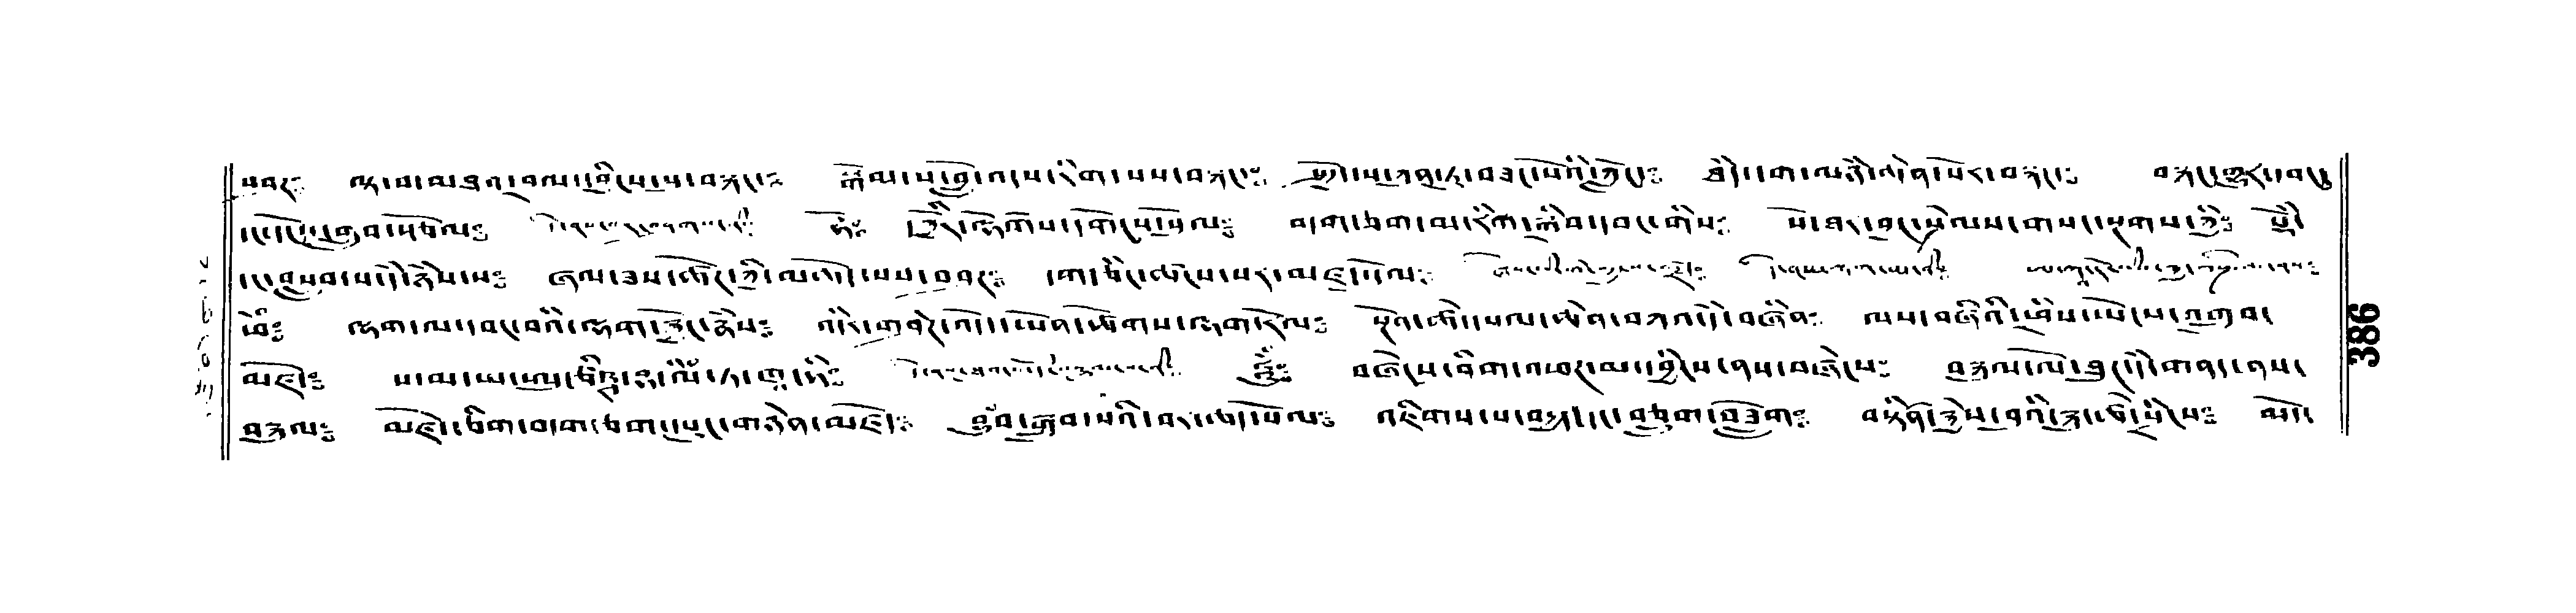བཤགས༔ ལྟ་བ་མཐའ་བྲལ་དབྱིངས་སུ་བསྐང༔ སྒོམ་པ་བློ་འདས་རིག་པས་བསྐང༔ སྤྱོད་པ་ཀུན་ཏུ་བཟང་པོའི་ཀློང༔ ཐམས་ཅད་དག་མཉམ་ཆེན་པོར་བསྐང༔ བསྐངས་གྱུར་དབང་
དང་དངོས་གྲུབ་སྩོལ༔ དེ་ནས་བར་བཤགས་ནི༔ ཧོཿ དཀྱིལ་འཁོར་ལྷ་ཚོགས་དགོངས་སུ་གསོལ༔ བདག་ཅག་མ་རིག་སྒྲིབ་དབང་གིས༔ སོ་ཐར་བྱང་སེམས་གསང་སྔགས་ཀྱི༔ སྡོམ་
དང་བསླབ་པ་དམ་ཉམས་པ༔ ཞལ་ཟས་ཚོགས་ཀྱི་མཆོད་པས་བཤགས༔ དག་ཅིང་ཚངས་པར་མཛད་དུ་གསོལ༔ ཞེས་ཡི་གེ་བརྒྱ་པ་བརྗོད༔ དེ་ནས་ལྷག་མ་ནི༔ ཨ་ཀཱ་རོ་ཡིས་སྦྱངས་སྤེལ་ནས༔ 
ཕེཾ༔ ལྷག་ལ་དབང་བའི་ལྷག་སྐྱོང་རྣམས༔ འདིར་གཤེགས་འདོད་ཡོན་ཚོགས་ལྷག་རོལ༔ སྔོན་ཚེ་དཔལ་ཆེན་བཀའ་དམ་བཞིན༔ ལས་བཞིའི་ཕྲིན་ལས་ཡོངས་འགྲུབ་
མཛོད༔ ས་མ་ཡ་ཨུ་ཙིཥྚ་བྷ་ལིཾ་ཏ་ཁཱ་ཧི༔ དེ་ནས་ཐུགས་དམ་བསྐུལ་པ་ནི༔ ཧཱུྃ༔ བཞེགས་ཤིག་འཕགས་མ་དབྱིངས་ནས་བཞེངས༔ བསྐུལ་ལོ་ཐུགས་དམ་གནད་ནས་
བསྐུལ༔ མཛོད་ཅིག་བདག་ཅག་དཔུང་གཉེན་མཛོད༔ བྱང་ཆུབ་སྒྲུབ་པའི་བར་ཆད་སོལ༔ འཇིགས་པ་བརྒྱད་དང་བཅུ་དྲུག་བཟློག༔ བསྟན་འཛིན་སྐྱེས་བུའི་སྐུ་ཚེ་སྲིངས༔ མདོ་